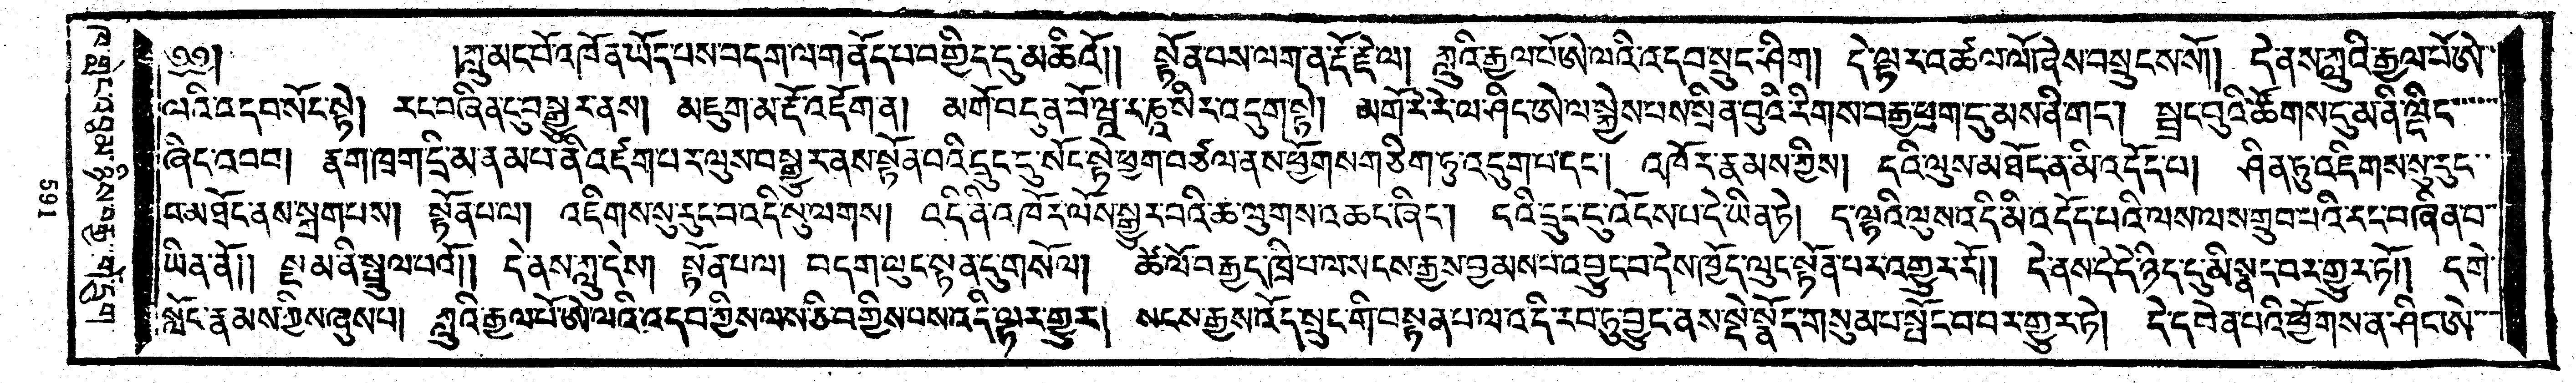༄༅། །ཀླུ་མང་པོ་འཁོན་ཡོད་པས་བདག་ལ་གནོད་པ་བགྱིད་དུ་མཆིའོ།། སྟོན་པས་ལག་ན་རྡོ་རྗེ་ལ། ཀླུའི་རྒྱལ་པོ་ཨེ་ལའི་འདབ་སྲུང་ཤིག། དེ་ལྟར་འཚལ་ལོ་ཞེས་བསྲུངས་སོ།། དེ་ནས་ཀླུའི་རྒྱལ་པོ་ཨེ་
ལའི་འདབ་སོང་སྟེ། རང་བཞིན་དུ་བསྒྱུར་ནས། མཇུག་མ་རྡོ་འཇོག་ན། མགོ་བདུན་བོ་ཝཱ་ར་ཎཱ་སིར་འདུག་སྟེ། མགོ་རེ་རེ་ལ་ཤིང་ཨེ་ལ་སྐྱེས་པས་སྲིན་བུའི་རིགས་བརྒྱ་ཕྲག་དུ་མས་ནི་གང་། སྦྲང་བུའི་ཚོགས་དུ་མ་ནི་ལྡིང་
ཞིང་འབབ། རྣག་ཁྲག་དྲི་མ་ནམ་པ་ནི་འཛག་པར་ལུས་བསྒྱུར་ནས་སྟོན་པའི་དྲུང་དུ་སོང་སྟེ་ཕྱག་བཙལ་ནས་ཕྱོགས་གཅིག་ཏུ་འདུག་པ་དང་། འཁོར་རྣམས་ཀྱིས། དའི་ལུས་མཐོང་ན་མི་འདོད་པ། ཤིན་ཏུ་འཇིགས་སུ་རུང་
བ་མཐོང་ནས་སྐྲག་པས། སྟོན་པ་ལ། འཇིགས་སུ་རུང་བ་འདི་སུ་ལགས། འདི་ནི་འཁོར་ལོས་སྒྱུར་བའི་ཆ་ལུགས་འཆང་ཞིང་། ངའི་དྲུང་དུ་འོངས་པ་དེ་ཡིན་ཏེ། ད་ལྟའི་ལུས་འདི་མི་འདོད་པའི་ལས་ལས་གྲུབ་པའི་རང་བཞིན་པ་
ཡིན་ནོ།། སྔ་མ་ནི་སྤྲུལ་པའོ།། དེ་ནས་ཀླུ་དེས། སྟོན་པ་ལ། བདག་ལུང་སྟན་དུ་གསོལ། ཚེ་ལོ་བརྒྱད་ཁྲི་པ་ལ་སངས་རྒྱས་བྱམས་པ་འབྱུང་བ་དེས་ཁྱོད་ལུང་སྟོན་པར་འགྱུར་རོ།། དེ་ནས་དེ་དེ་ཉིད་དུ་མི་སྣང་བར་གྱུར་ཏོ།། དགེ་
སློང་རྣམས་ཀྱིས་ཞུས་པ། ཀླུའི་རྒྱལ་པོ་ཨེ་ལའི་འདབ་ཀྱིས་ལས་ཅི་བགྱིས་པས་འདི་ལྟར་གྱུར། སངས་རྒྱས་འོད་སྲུང་གི་བསྟན་པ་ལ་འདི་རབ་ཏུ་བྱུང་ནས་སྡེ་སྣོད་གསུམ་པ་སྤོང་བ་བར་གྱུར་ཏེ། དེ་དབེན་པའི་ཕྱོགས་ན་ཤིང་ཨེ་